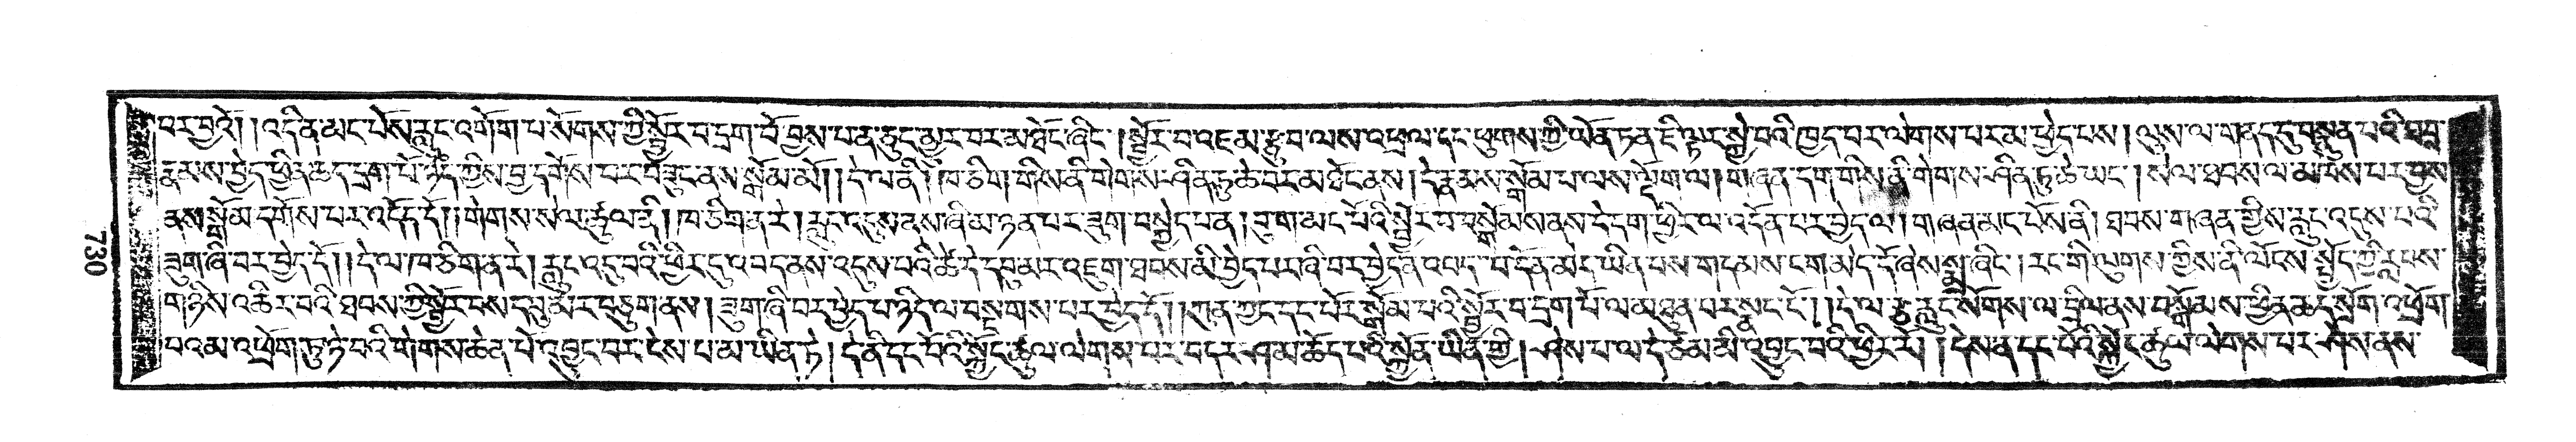པར་བྱའོ། །འདི་ན་མང་པོས་རླུང་འགོག་པ་སོགས་ཀྱི་སྦྱོར་བ་དྲག་པོ་བྱས་པ་ན་ཅུང་མྱུར་བར་མཐོང་ཞིང་། སྦྱོར་བ་འཇམ་རྩུབ་ལས་འཕྲལ་དང་ཕུགས་ཀྱི་ཡོན་ཏན་ཇི་ལྟར་སྐྱེ་བའི་ཁྱད་པར་ལེགས་པར་མ་ཕྱེད་པས། ལུས་ལ་གནད་དུ་བསྣུན་པའི་ཐབས་
རྣམས་བྱེད་ཕྱིན་ཆད་དྲག་པོ་ཉིད་ཀྱིས་བྱ་དགོས་པར་བཟུང་ནས་སྒོམ་མོ། །དེ་ལ་ནི། ཁ་ཅིག་གིས་ནི་གེགས་ཤིན་ཏུ་ཆེ་བར་མཐོང་ནས། དེ་རྣམས་སྒོམ་པ་ལས་ལྡོག་ལ། གཞན་དག་གིས་ནི་གེགས་ཤིན་ཏུ་ཆེ་ཡང་། སེལ་ཐབས་ལ་མཁས་པར་བྱས་
ནས་སྒོམ་དགོས་པར་འདོད་དོ། །གེགས་སེལ་ཚུལ་ནི། ཁ་ཅིག་ན་རེ། རླུང་འདུས་ནས་ཞི་མ་ཉན་པར་ཟུག་བསྐྱེད་པ་ན། བུ་ག་མང་པོའི་སྦྱོར་བ་བསྒོམས་ནས་དེ་དག་ཕྱིར་ལ་འདོན་པར་བྱེད་ལ། གཞན་མང་པོས་ནི། ཐབས་གཞན་གྱིས་རླུང་འདུས་པའི་
ཟུག་ཞི་བར་བྱེད་དོ། །དེ་ལ་ཁ་ཅིག་ན་རེ། རླུང་འདུ་བའི་ཕྱིར་དུ་འབད་ནས་འདུས་པའི་ཚེ་དེ་དབུ་མར་འཇུག་ཐབས་མི་བྱེད་པར་ཞི་བར་བྱེད་ན་འབད་པ་དོན་མེད་ཡིན་པས་གདམས་ངག་མེད་དོ་ཞེས་སྨྲ་ཞིང་། རང་གི་ལུགས་ཀྱིས་ནི་ལོངས་སྤྱོད་ཀྱི་རླབས་
གཉིས་འཚིར་བའི་ཐབས་ཀྱི་སྦྱོར་བས་དབུ་མར་བཅུག་ནས། ཟུག་ཞི་བར་བྱེད་པ་ཉིད་ལ་བསྔགས་པར་བྱེད་དོ། །ཀུན་ཀྱང་དང་པོར་སྒོམ་པའི་སྦྱོར་བ་དྲག་པོ་ལ་མཐུན་པར་སྣང་ངོ། །དེ་ལ་རྩ་རླུང་སོགས་ལ་དྲིལ་ནས་བསྒོམས་ཕྱིན་ཆད་སྲོག་འཕྲོག་
པའམ་འཕྲོག་ཏུ་ཉེ་བའི་གེགས་ཆེན་པོ་འབྱུང་བར་ངེས་པ་མ་ཡིན་ཏེ། དེ་ནི་དང་པོའི་སྐྱོང་ཚུལ་ལེགས་པར་བདར་ཤ་མ་ཆོད་པའི་སྐྱོན་ཡིན་གྱི། ཤེས་པ་ལ་དེ་ཙམ་མི་འབྱུང་བའི་ཕྱིར་རོ། །དེས་ན་དང་པོའི་སྐྱོར་ཚུལ་ལེགས་པར་ཤེས་ནས་